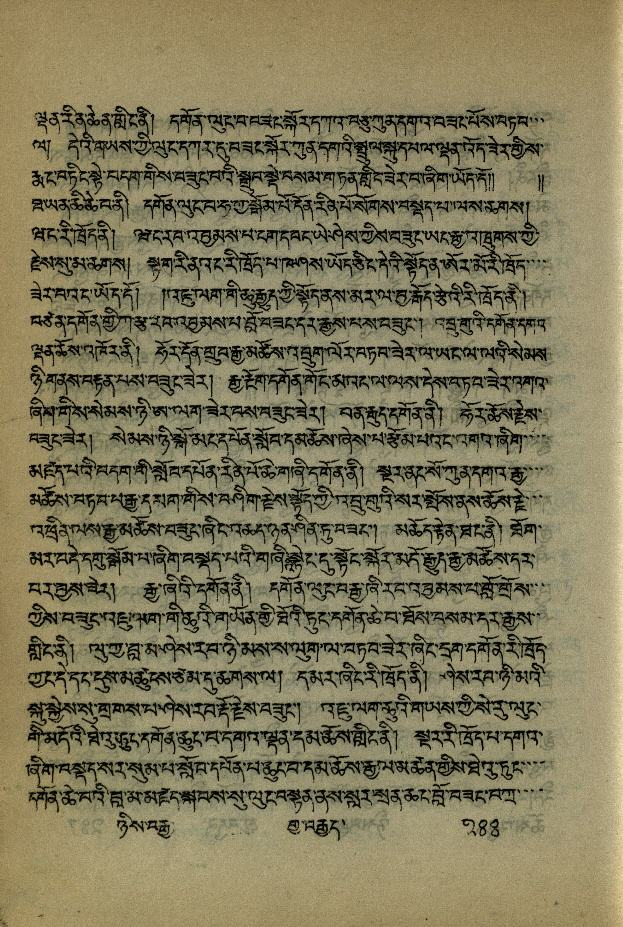ལྡན་རིན་ཆེན་གླིང་ནི། དགོན་ལུང་བ་བཟང་སྐོར་དཀའ་བཅུ་ཀུན་དགའ་བཟང་པོས་བཏབ་
ལ། དེའི་གཡས་ཀྱི་ལུང་དཀར་དུ་བཟང་སྐོར་ཀུན་དགའི་སྤྲུལ་སྐུ་དཔལ་ལྡན་འོད་ཟེར་གྱིས་
རྨང་བཏིང་སྟེ་བདག་གིས་བཟུང་བའི་སྒྲུབ་སྡེ་བསམ་གཏན་གླིང་ཟེར་བ་ཞིག་ཡོད་དོ།། །།
ཐ་ཡན་ཆི་ཆེ་བ་ནི། དགོན་ལུང་བ་ཧ་ཀྱ་སྒོམ་པོ་དོན་རིན་པོ་སོགས་བསྡད་པ་ལས་ཆགས།
ཝང་རི་ཁྲོད་ནི། ཝང་རབ་འབྱམས་པ་ངག་དབང་ཡེ་ཤེས་ཀྱིས་བཟུང་ཡང་རྒྱ་འཁྲུགས་ཀྱི་
རྗེས་སུ་མ་ཆགས། སྟག་རི་ནའང་རི་ཁྲོད་པ་ཁ་ཤས་ཡོད་ཅིང་དེའི་སྟོད་ན་ཨོར་མོ་རི་ཁྲོད་
ཟེར་བའང་ཡོད་དོ། །འཇུ་ལུག་གི་ཆུ་རྒྱུད་ཀྱི་སྟོད་ནས་མར་ལ་བྱ་རྒོད་རྩེའི་རི་ཁྲོད་ནི།
བཙན་དགོན་གྱི་ཀ་རྩ་རབ་འབྱམས་པ་བློ་བཟང་དར་རྒྱས་པས་བཟུང་། འབྲུ་གུའི་དགོན་དགའ་
ལྡན་ཆོས་འཁོར་ནི། ཧོར་དོན་གྲུབ་རྒྱ་མཚོས་འབྲུག་ལོར་བཏབ་ཟེར་ལ་ཡང་ལ་ལའི་སེམས་
ཉི་གནས་བརྟན་པས་བཟུང་ཟེར། རྒྱ་རྔོག་དགོན་གོང་མའང་ལ་ལས་དེས་བཏབ་ཟེར་འགའ་
ཞིག་གིས་སེམས་ཉི་ཨ་ལག་ཟེར་བས་བཟུང་ཟེར། བན་རྒུད་དགོན་ནི། ཧོར་ཆོས་རྗེས་
བཟུང་ཟེར། སེམས་ཉི་སྒོ་མང་དཔོན་སློབ་དམ་ཆོས་ཞེས་པ་རྩོམ་པའང་འགའ་ཞིག་
མཛད་པའི་བདག་གི་སློབ་དཔོན་རིན་པོ་ཆེ་གཞི་དགོན་ནི། སྔར་ནང་སོ་ཀུན་དགའ་རྒྱ་
མཚོས་བཏབ་པ་རྒྱ་དམག་གིས་བཤིག་རྗེས་སྟོད་ཀྱི་འབྲུ་གུའི་སར་སྤོས་ནས་ཆོས་རྗེ་
འཕྲིན་ལས་རྒྱ་མཚོས་བཟུང་ཞིང་འཆད་ཉན་ཤིན་ཏུ་བཟང་། མཆོད་རྟེན་ཐང་ནི། ཐོག་
མར་བདེ་དགུ་སྒོམ་པ་ཞིག་བསྡད་པའི་གཞིའི་སྟེང་དུ་སྟོང་སྐོར་མདོ་རྒྱུད་རྒྱ་མཚོས་དར་
བར་བྱས་ཟེར། རྒྱ་ཞིའི་དགོན་ནི། དགོན་ལུང་བརྒྱ་ཞི་རབ་འབྱམས་པ་བློ་གྲོས་
ཀྱིས་བཟུང་འཇུ་ལག་གི་ཆུའི་གཡོན་གྱི་ཐོའི་ཏུང་དགོན་ཆེ་བ་ཐོས་བསམ་དར་རྒྱས་
གླིང་ནི། ལུ་ཀྱ་བླ་མ་ཤེས་རབ་ཉི་མས་ས་ལུག་ལ་བཏབ་ཟེར་ཞིང་དྲག་དགོན་རི་ཁྲོད་
ཀྱང་དེ་དང་དུས་མཚུངས་ཙམ་དུ་ཆགས་ལ། དམར་ཞིང་རི་ཁྲོད་ནི། ཤེས་རབ་ཉི་མའི་
སྐུ་སྐྱེས་སུ་གྲགས་པ་ཤེས་རབ་རྡོ་རྗེས་བཟུང་། འཇུ་ལག་ཆུའི་གཡས་ཀྱི་སེ་རུ་ལུང་
གི་མདོའི་ཐེའུ་ཆུང་དགོན་ཆུང་བ་དགའ་ལྡན་དམ་ཆོས་གླིང་ནི། སྔར་རི་ཁྲོད་པ་དགའ་
ཞིག་བསྡད་སར་སུམ་པ་སློབ་དཔོན་པ་ཆུང་བ་དམ་ཆོས་རྒྱལ་མཚན་གྱིས་ཐེའུ་ཏུང་
དགོན་ཆེ་བའི་བླ་མ་མཛད་སྐབས་སུ་ལུང་བསྟན་ནས་སླར་སྲན་ཆང་བློ་བཟང་བཀྲ་